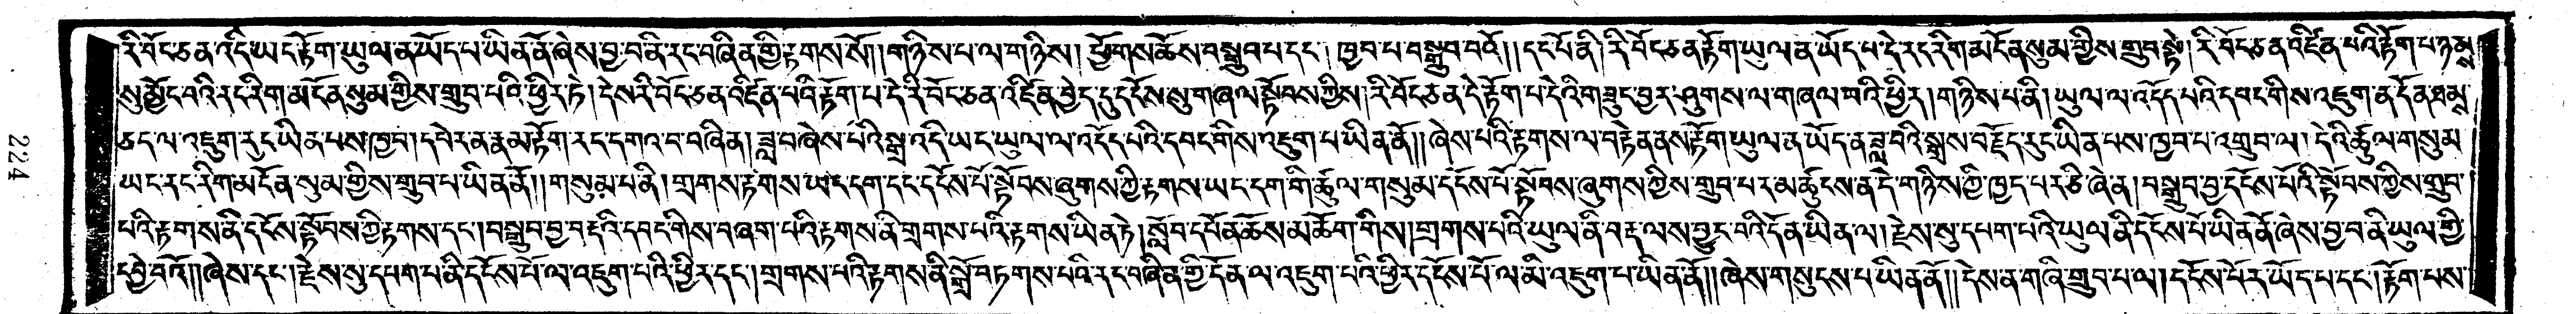རི་བོང་ཅན་འདི་ཡང་རྟོག་ཡུལ་ན་ཡོད་པ་ཡིན་ནོ་ཞེས་བྱ་བ་ནི་རང་བཞིན་གྱི་རྟགས་སོ། །གཉིས་པ་ལ་གཉིས། ཕྱོགས་ཆོས་བསྒྲུབ་པ་དང་། ཁྱབ་པ་བསྒྲུབ་པའོ། །དང་པོ་ནི། རི་བོང་ཅན་རྟོག་ཡུལ་ན་ཡོད་པ་དེ་རང་རིག་མངོན་སུམ་གྱིས་གྲུབ་སྟེ། རི་བོང་ཅན་?་འཛིན་པའི་རྟོག་པ་ཉམས་
སུ་མྱོང་བའི་རང་རིག་མངོན་སུམ་གྱིས་གྲུབ་པའི་ཕྱིར་ཏེ། དེས་རི་བོང་ཅན་འཛིན་པའི་རྟོག་པ་དེ་རི་བོང་ཅན་འཛིན་བྱེད་དུ་དངོས་སུ་གཞལ་སྟོབས་ཀྱིས། རི་བོང་ཅན་དེ་རྟོག་པ་དེའི་གཟུང་བྱར་ཤུགས་ལ་གཞལ་བའི་ཕྱིར། གཉིས་པ་ནི། ཡུལ་ལ་འདོད་པའི་དབང་གིས་?་འཇུག་ན་དོན་ཐམས་
ཅད་ལ་འཇུག་རུང་ཡིན་པས་ཁྱབ། དཔེར་ན་རྣམ་རྟོག་རང་དགའ་བ་བཞིན། ཟླ་བ་ཞེས་པའི་སྒྲ་འདི་ཡང་ཡུལ་ལ་འདོད་པའི་དབང་གིས་འཇུག་པ་ཡིན་ནོ། །ཞེས་པའི་རྟགས་ལ་བརྟེན་ནས་རྟོག་ཡུལ་ན་ཡོད་ན་ཟླ་བའི་སྒྲས་བརྗོད་རུང་ཡིན་པས་ཁྱབ་པ་འགྲུབ་ལ། དེའི་ཚུལ་གསུམ་
ཡང་རང་རིག་མངོན་སུམ་གྱིས་གྲུབ་པ་ཡིན་ནོ། །གསུམ་པ་ནི། གྲགས་རྟགས་ཡང་དག་དང་དངོས་པོ་སྟོབས་ཞུགས་ཀྱི་རྟགས་ཡང་དག་གི་ཚུལ་གསུམ་དངོས་པོ་སྟོབས་ཞུགས་ཀྱིས་གྲུབ་པར་མཚུངས་ན་དེ་གཉིས་ཀྱི་ཁྱད་པར་ཅི་ཞེ་ན། བསྒྲུབ་བྱ་དངོས་པོའི་སྟོབས་ཀྱིས་གྲུབ་
པའི་རྟགས་ནི་དངོས་སྟོབས་ཀྱི་རྟགས་དང་། བསྒྲུབ་བྱ་བརྡའི་དབང་གིས་བཞག་པའི་རྟགས་ནི་གྲགས་པའི་རྟགས་ཡིན་ཏེ། སློབ་དཔོན་ཆོས་མཆོག་གིས། གྲགས་པའི་ཡུལ་ནི་བརྡ་ལས་བྱུང་བའི་དོན་ཡིན་ལ། རྗེས་སུ་དཔག་པའི་ཡུལ་ནི་དངོས་པོ་ཡིན་ནོ་ཞེས་བྱ་བ་ནི་ཡུལ་གྱི་
དབྱེ་བའོ། །ཞེས་དང་། རྗེས་སུ་དཔག་པ་ནི་དངོས་པོ་ལ་འཇུག་པའི་ཕྱིར་དང་། གྲགས་པའི་རྟགས་ནི་སྒྲོ་བཏགས་པའི་རང་བཞིན་གྱི་དོན་ལ་འཇུག་པའི་ཕྱིར་དངོས་པོ་ལ་མི་འཇུག་པ་ཡིན་ནོ། །ཞེས་གསུངས་པ་ཡིན་ནོ། །དེས་ན་གཞི་གྲུབ་པ་ལ། དངོས་པར་ཡོད་པ་དང་། རྟོག་པས་